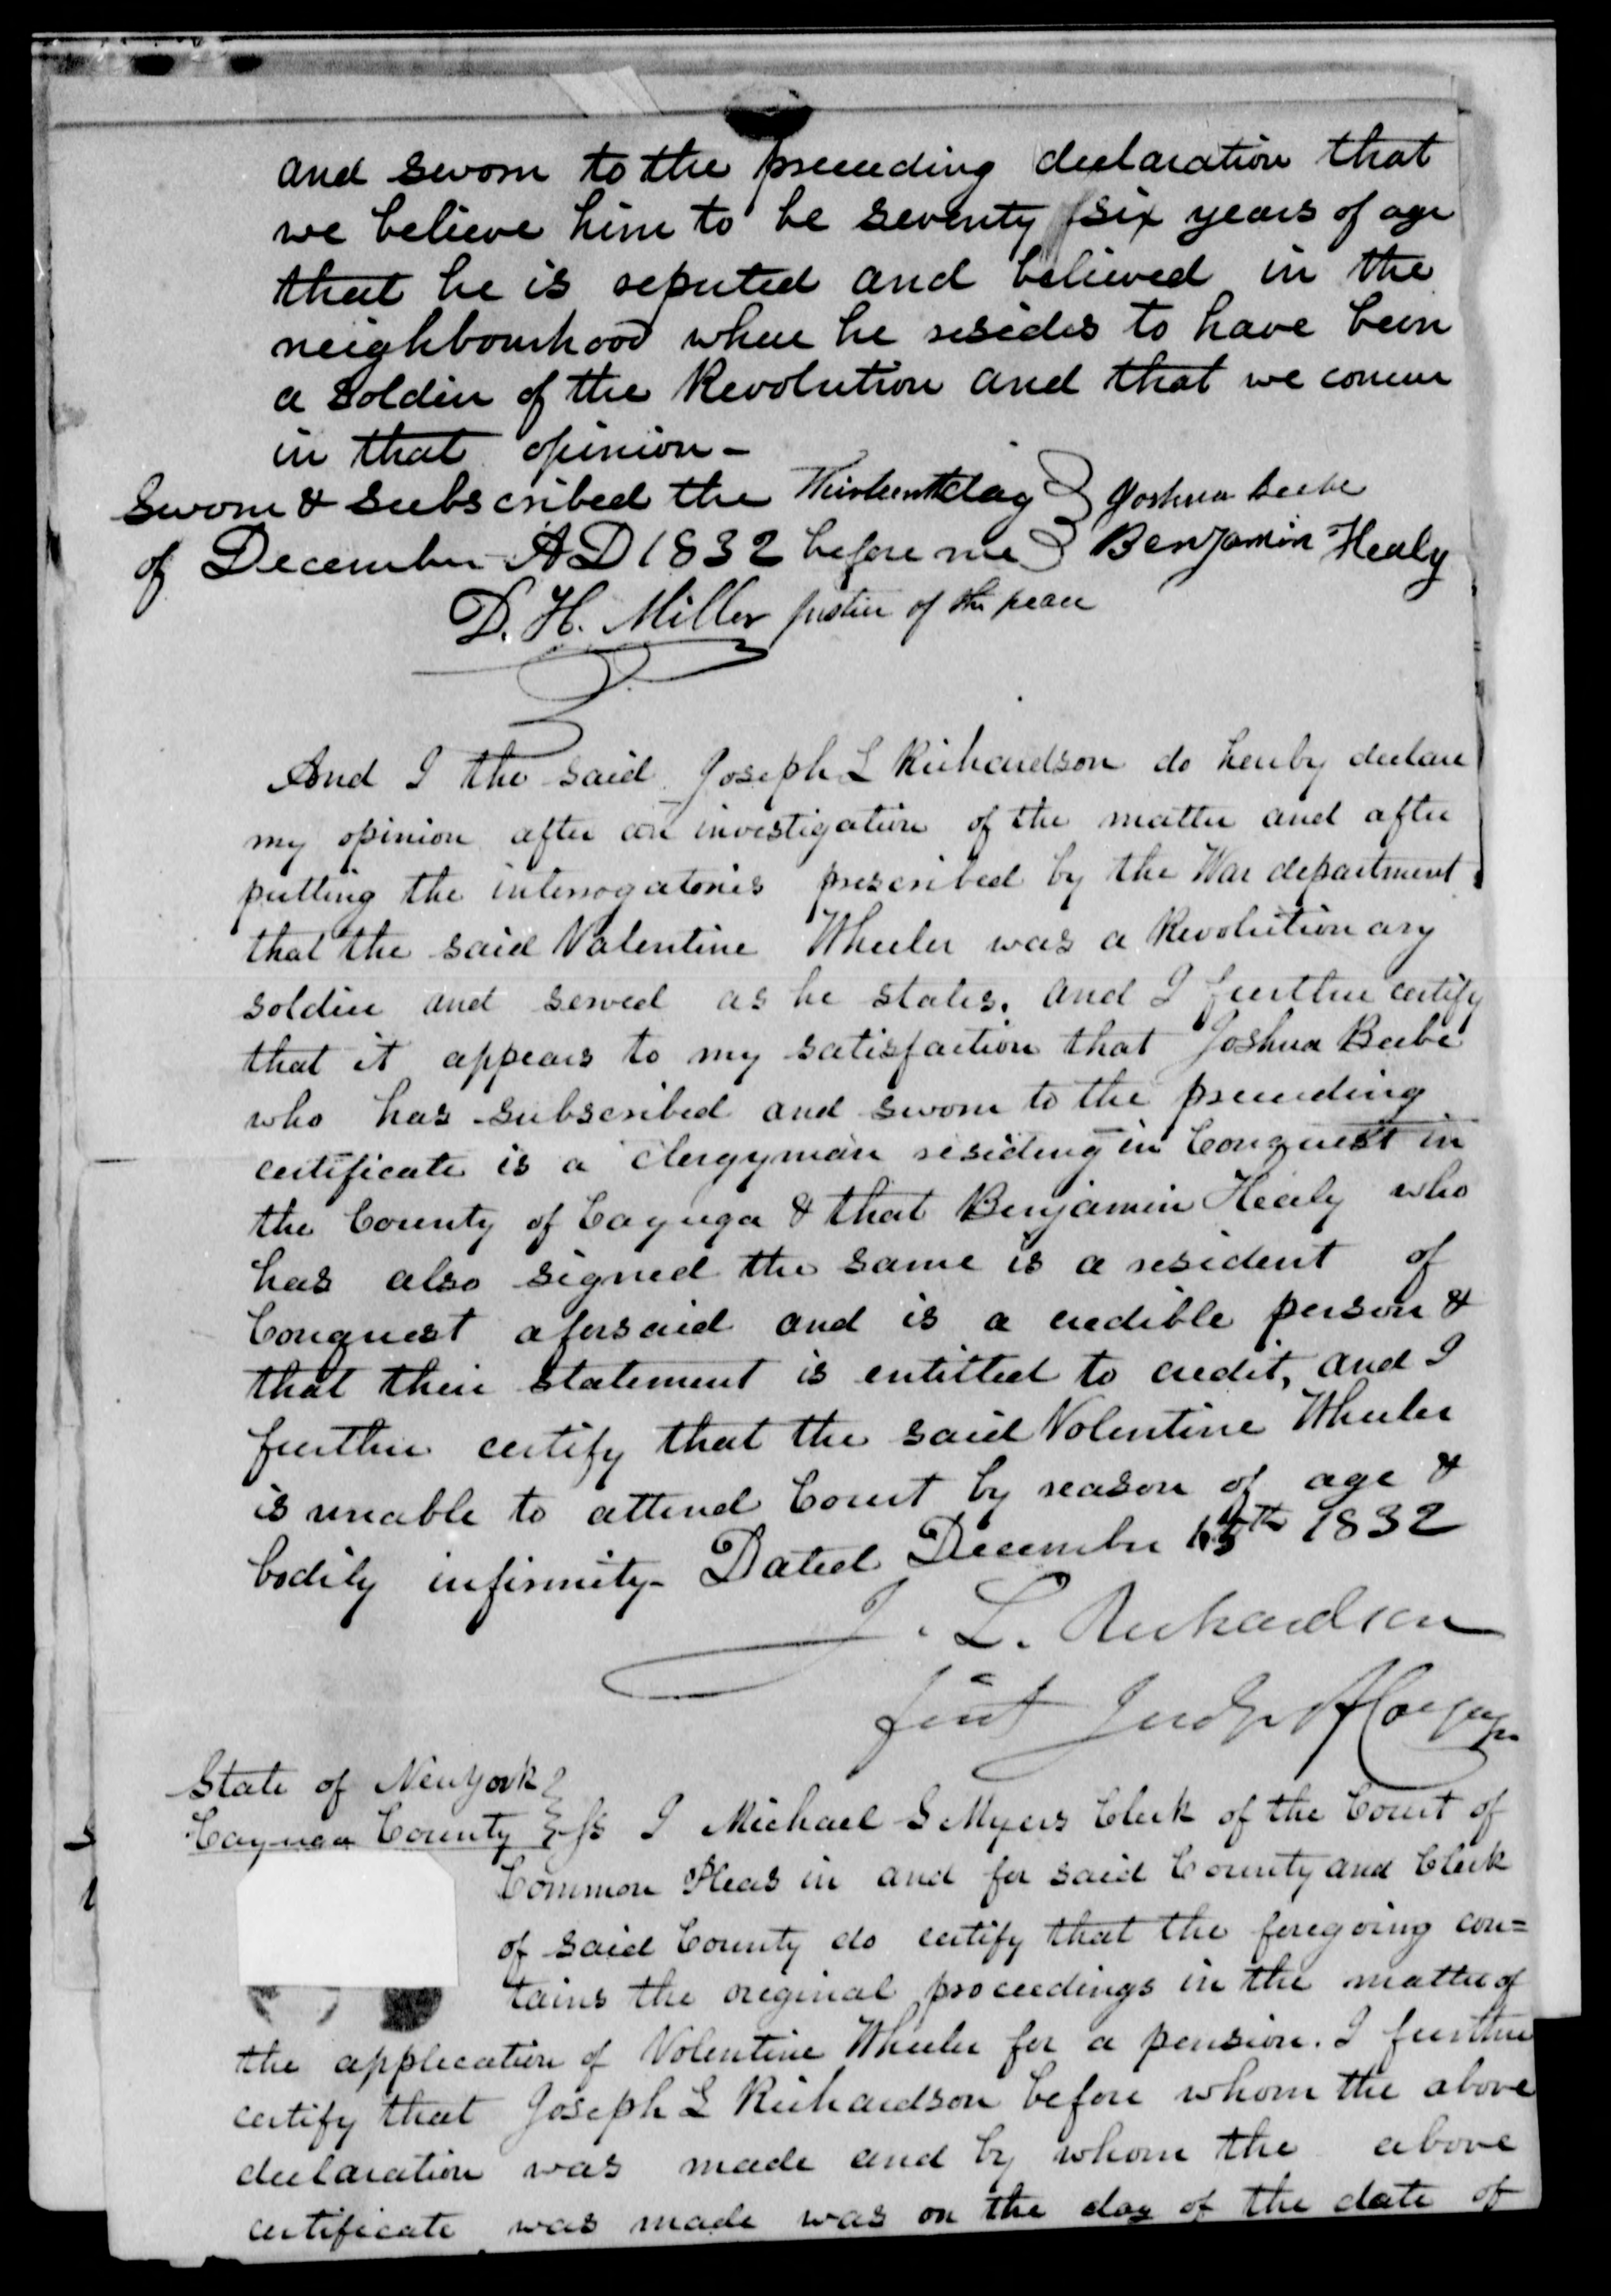and sworn to the preceeding declaration that we believe him to be seventy six years of age that he is reputed and believed in the neighbourhood where he resides to have been a soldier of the Revolution and that we concur in that opinion.
Joshua Beebe
Benjamin Healy
Sworn & subscribed the thirteenth day of December A. D. 1832 before me
D. H. Miller Justice of the Peace

And I the said Joseph L. Richardson do hereby declare my opinion after the investigation of the matter and after putting the interrogatories prescribed by the War Department, that the said Valentine Wheeler was a Revolutionary soldier and served as he states. And I further certify that it appears to my satisfaction that Joshua Beebe who has subscribed and sworn to the preceeding certificate is a clergyman residing in Conquest in the County of Cayuga & that Benjamin Healy who has also signed the same is a resident of Conquest aforesid and is a credible person & that their statement is entitled to credit and I further certify that the said Volentine Wheeler is unable to attend Court by reason of age & bodily infirmity. Dated December 15th 1832.
J. L. Richarson
first Judge of Cayuga

State of New York
Cayuga County SS
(seal)
I Michael S. Myers Clerk of the Court of Common Pleas in and for said County and Clerk of said County do certify that the foregoing contaianns the original proceedings in the matter of the application of Volentine Wheeler for a pension.I further certify that Joseph > Richardson before whom the above declaration was made and by whom the above certificate was made was onn the day of the date of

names: Benjamin Healy, D H Miller, Valentine Wheeler, Joshua Beebe, Michael S Myers, Joseph L Richardson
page: 12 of 98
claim: widow's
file: W. 1682, Valentine Wheeler, Mass.